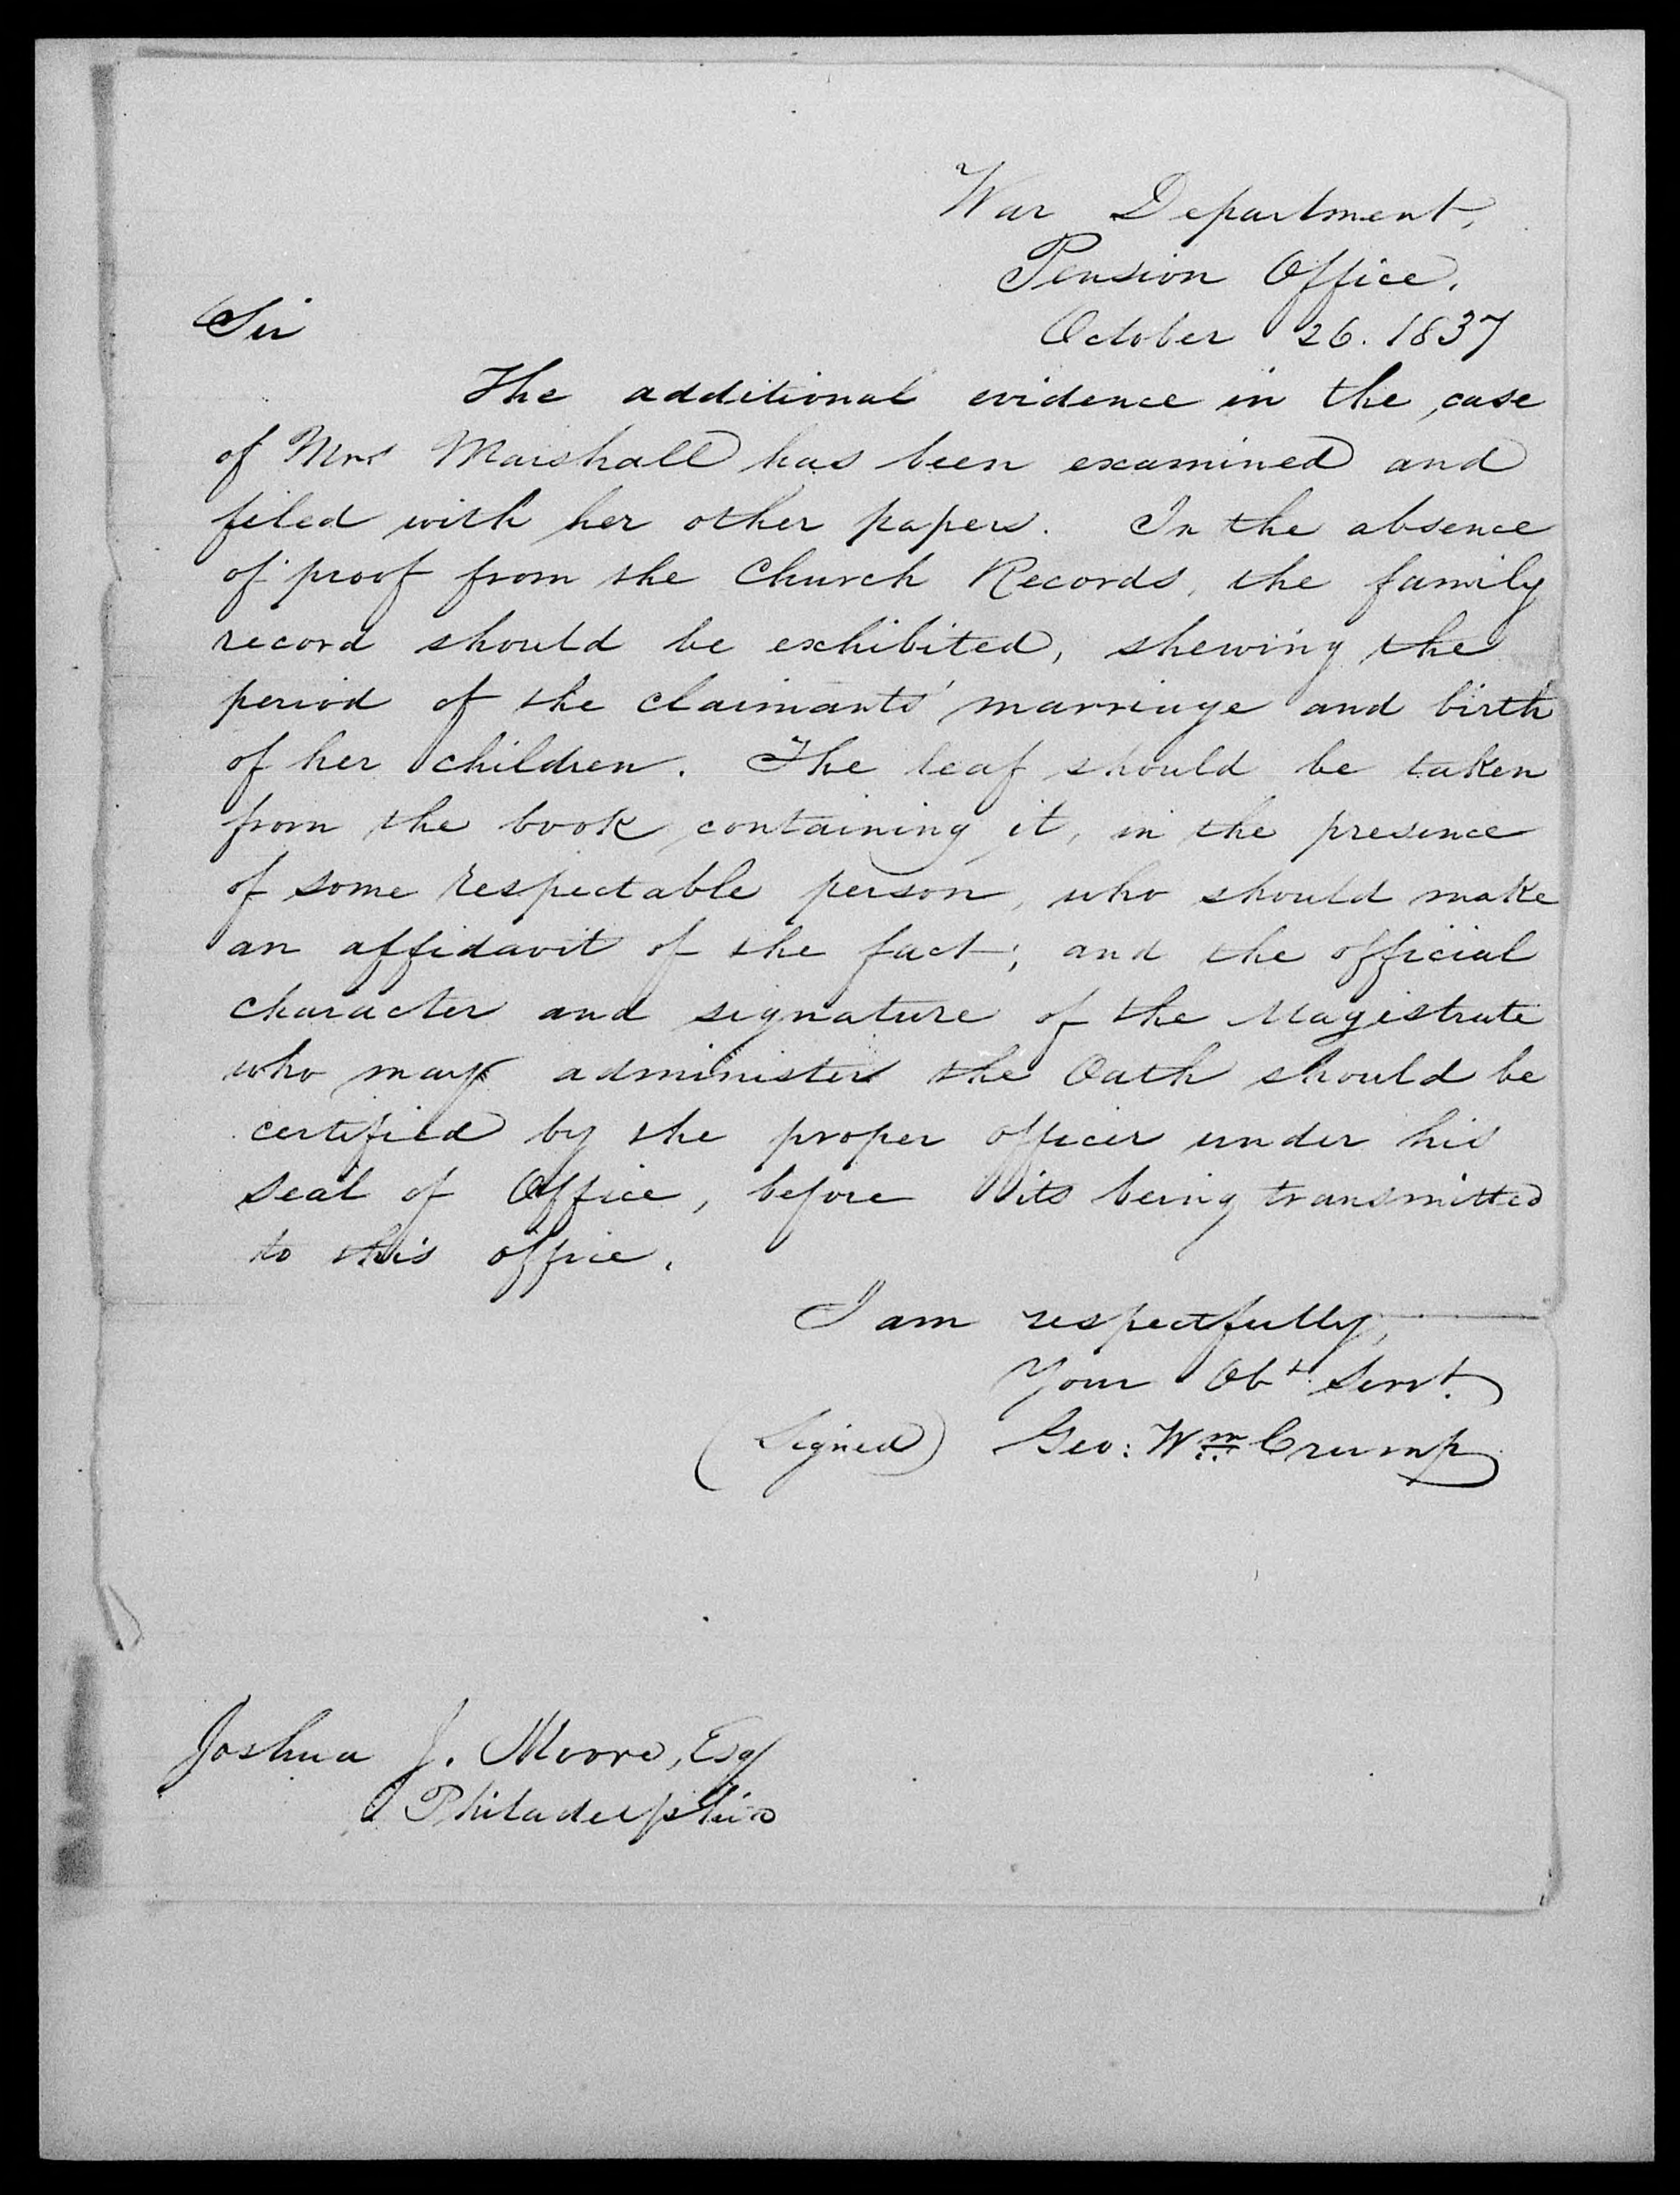War Department
Pension Office
October 26, 1837

Sir

The additional evidence in the case of Mrs Marshall has been examined and filed with her other papers. In the absence of proof from the Church Records, the family record should be exhibited, showing the period of the claimants' marriage and birth of her children. The leaf should be taken from the book containing it, in the presence of some respectable person, who should make an affidavit of the fact; and the official character and signature of the Magistrate who may administer the oath should be certified by the proper officer under his Seal of Office, before its being transmitted to this office.

I am respectfully,
Your obt. Servt.
(Signed) Geo. Wm. Crump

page: 45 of 86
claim: widow's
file: W. 3571, for David Marshall, Pennsylvania